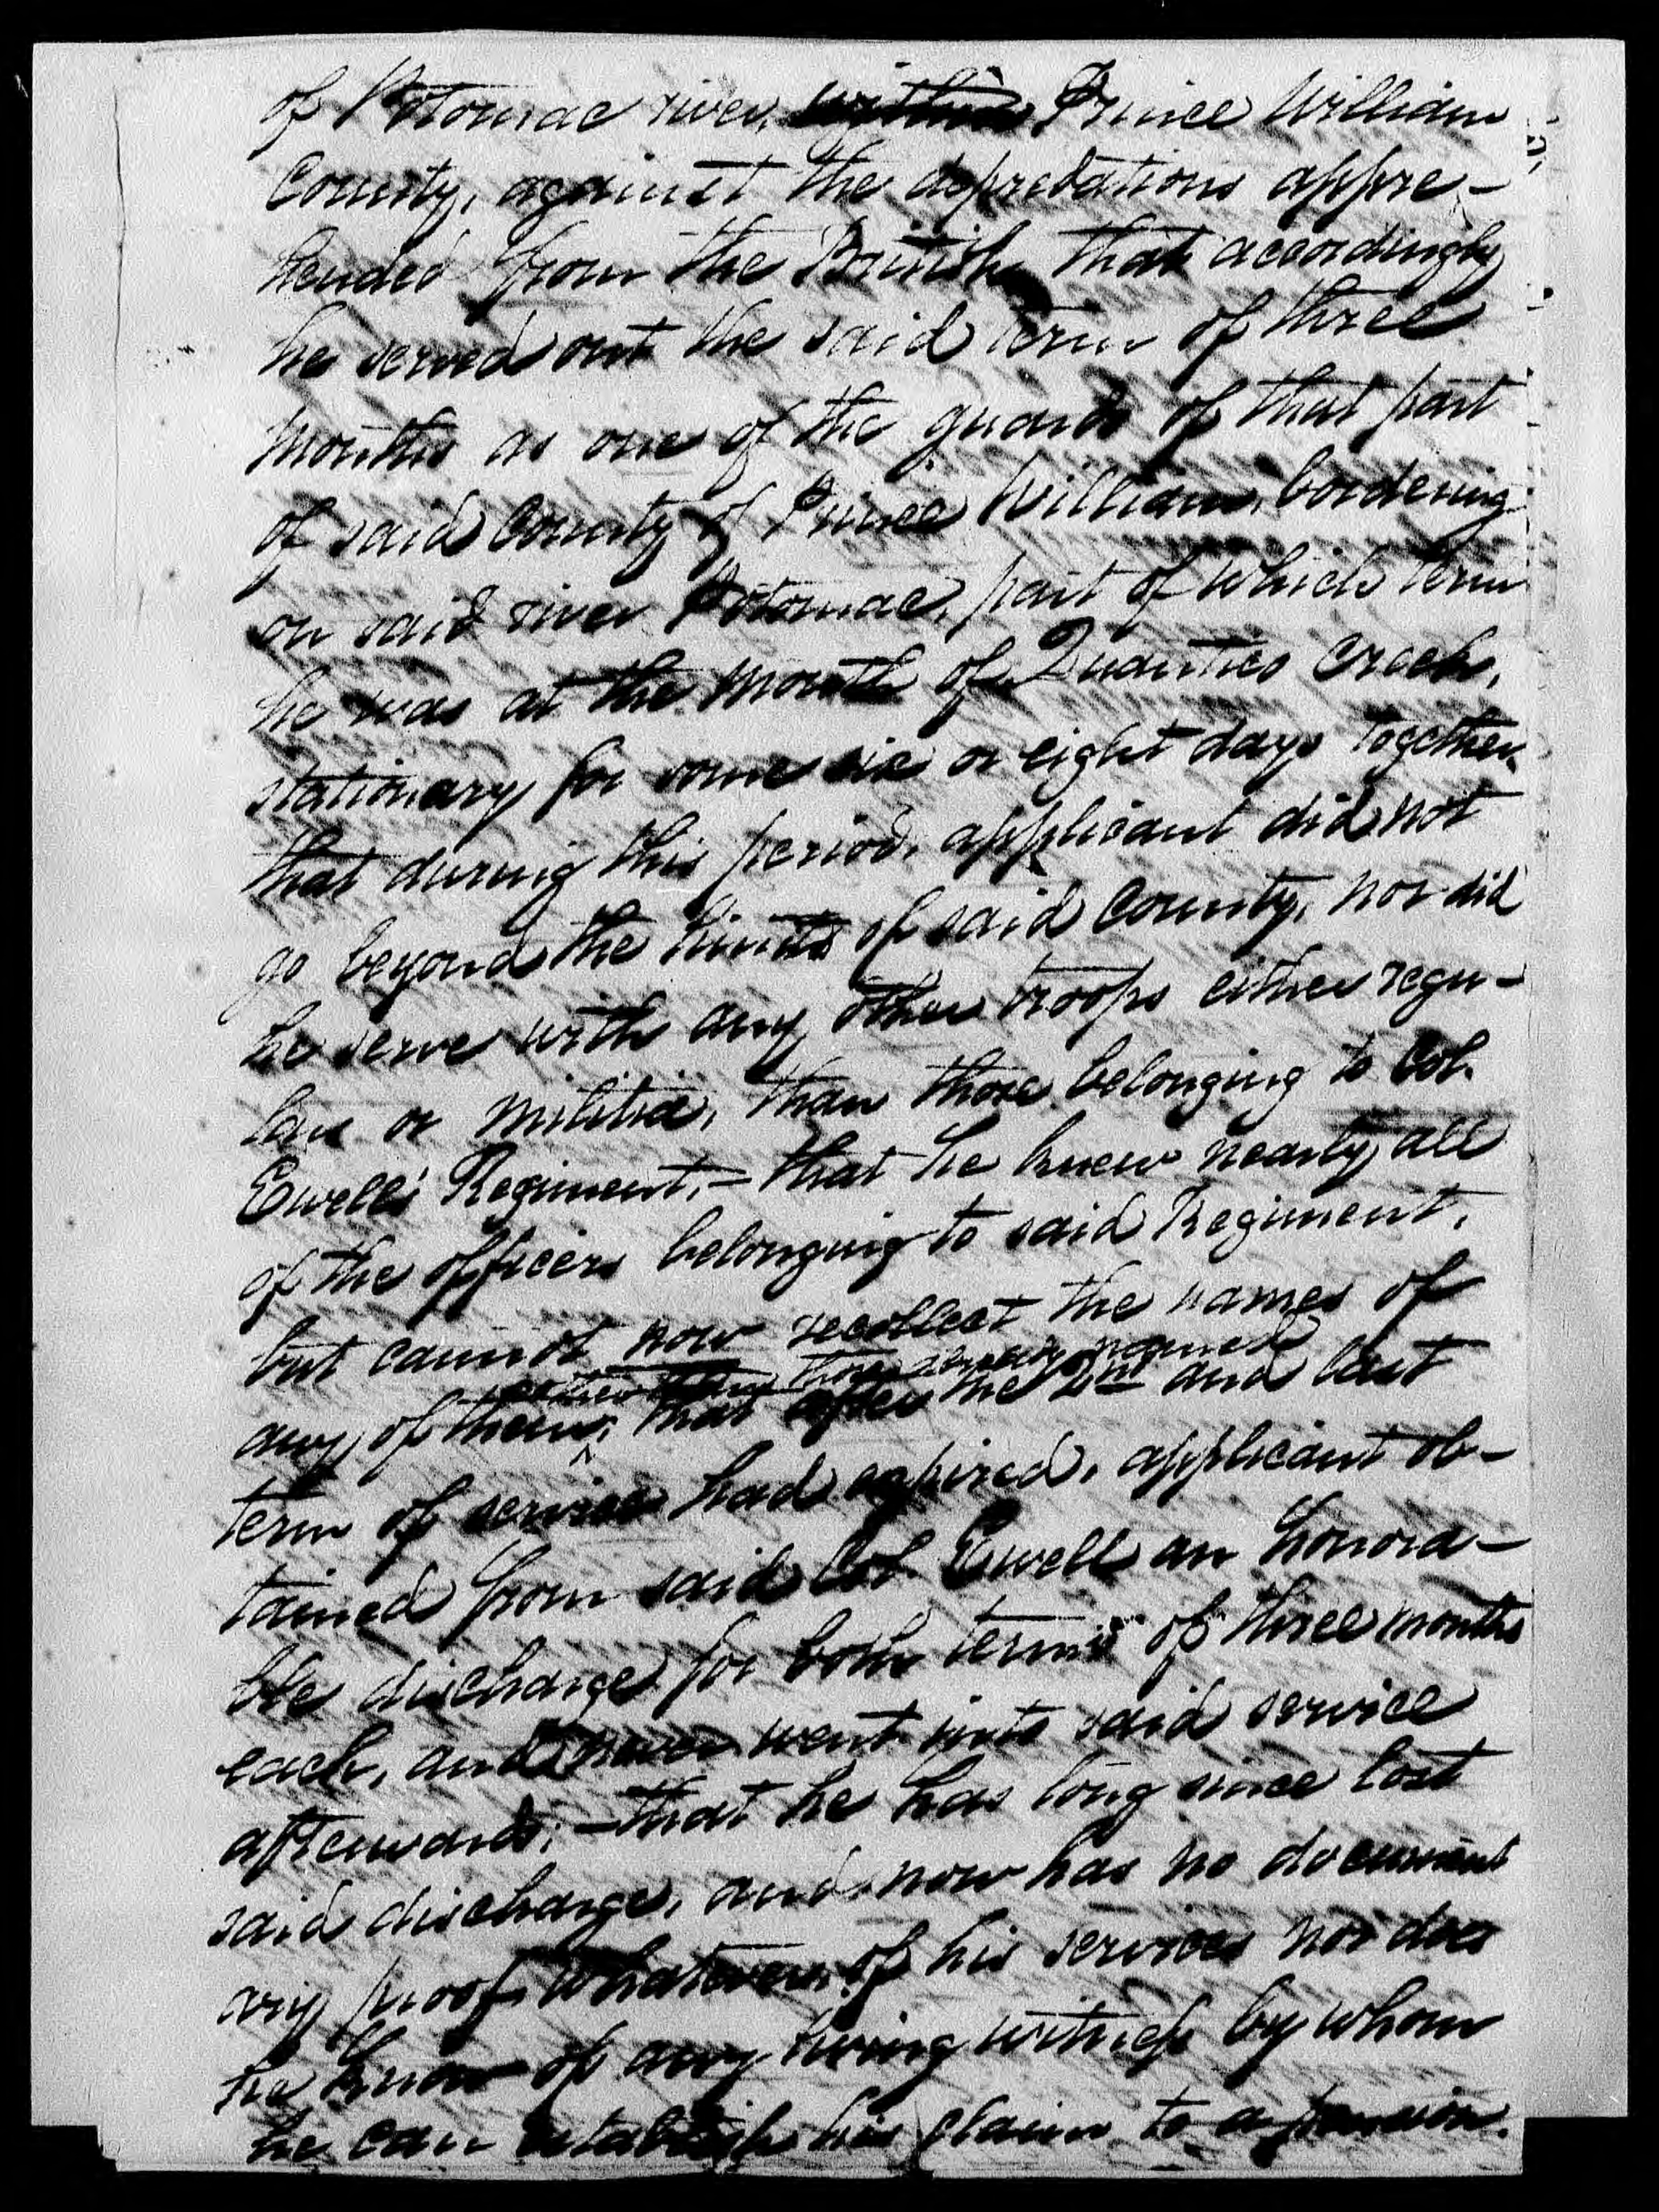[Declaration page 4]

of Potomac river within Price William County, [Va] against the depredations apprehended from the British.

That accordingly he served out the said term of three months as one of the guards of that part of said county of Prince William County  bordering on the said river Potomac part of which term he was at the mouth of 
the Quantico Creek [Virginia], some six or eight days together, that during this period applicant did not go beyond the bounds of said County, nor did he serve with any other troops eight either regulars or militia, than those belonging to Col. [Jesse] Ewell's Regiment, -

that he know nearly all of the officers belonging to said Regiment, but cannot now recollect the names of any of them. After the 2nd and last term of service had expired, applicant obtained from said Col [Jesse] Ewell an honorable discharge for both terms of three months each, and never went into said service afterwards; that he has long since lost said discharges, and now has no documentary proof whatever of his services nor does he know of any living witness by whom he can establish his claim to a pension.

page: 35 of 45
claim: widow's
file: W. 7984, for Gerrard King, Virginia